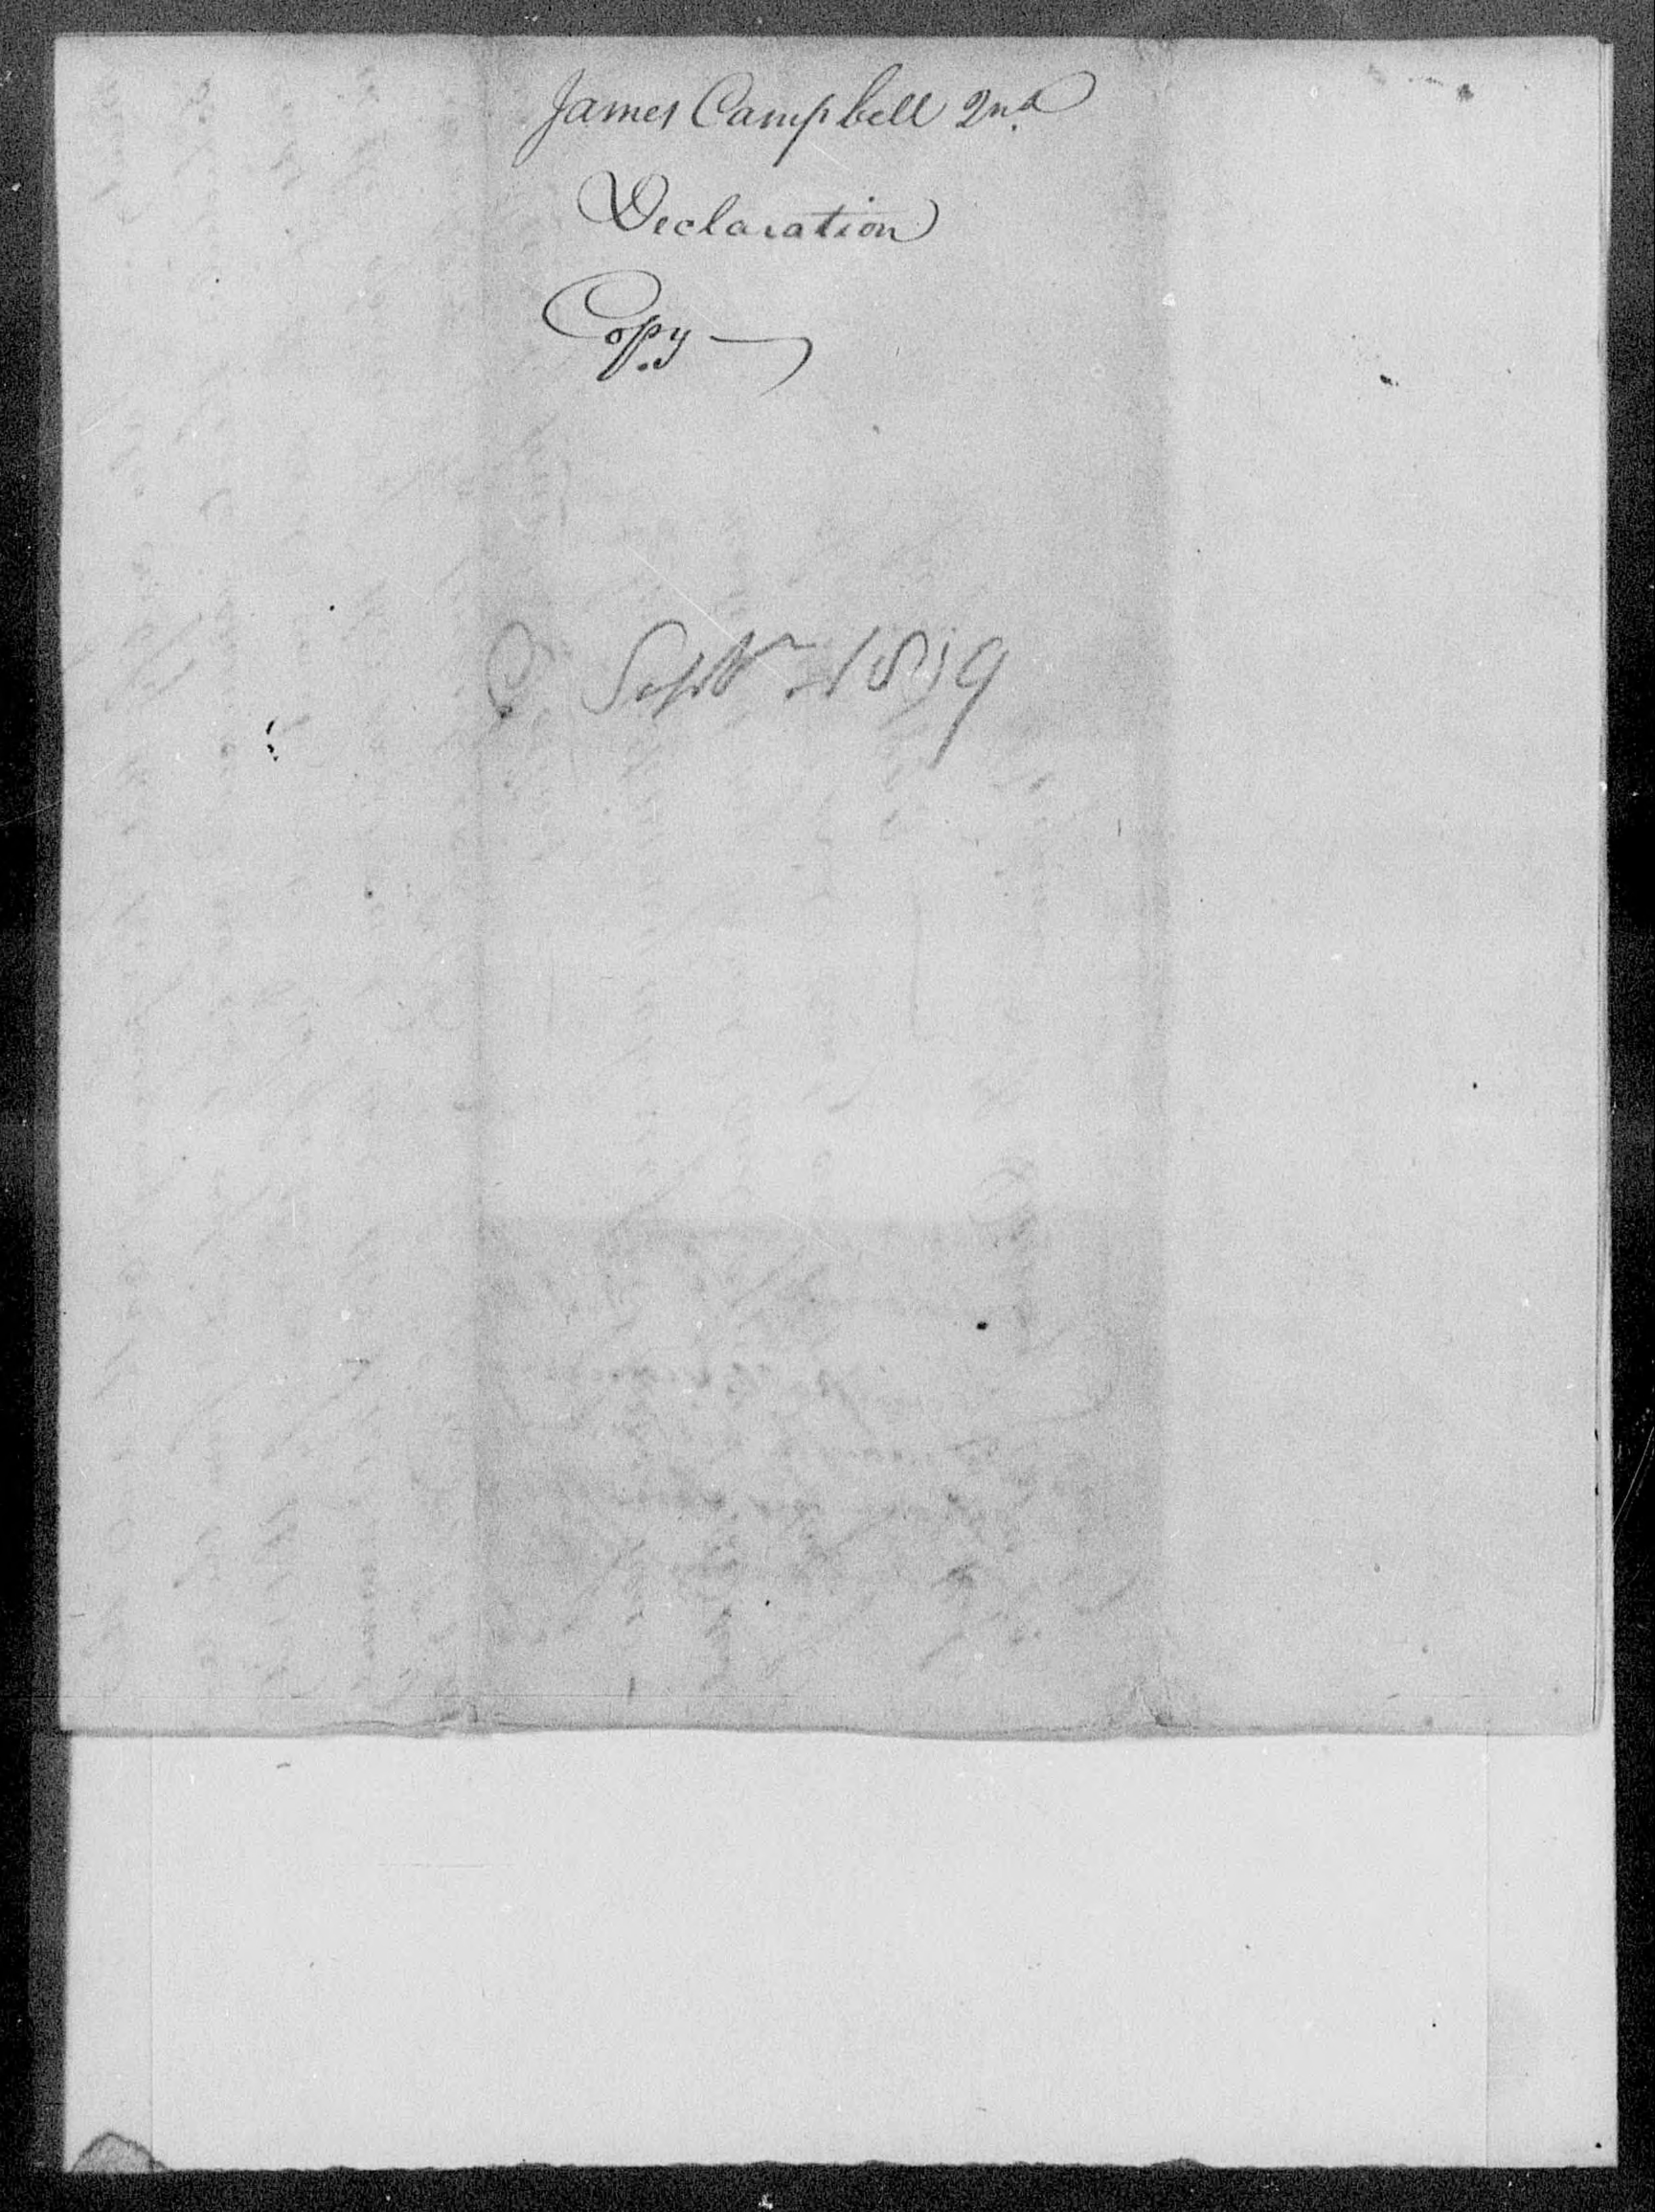James Campbell 2nd
Declaration
Copy


6 Sept. 1819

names: James Campbell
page: 7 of 67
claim: widow's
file: W. 23772, James Campbell, Continental Mass.